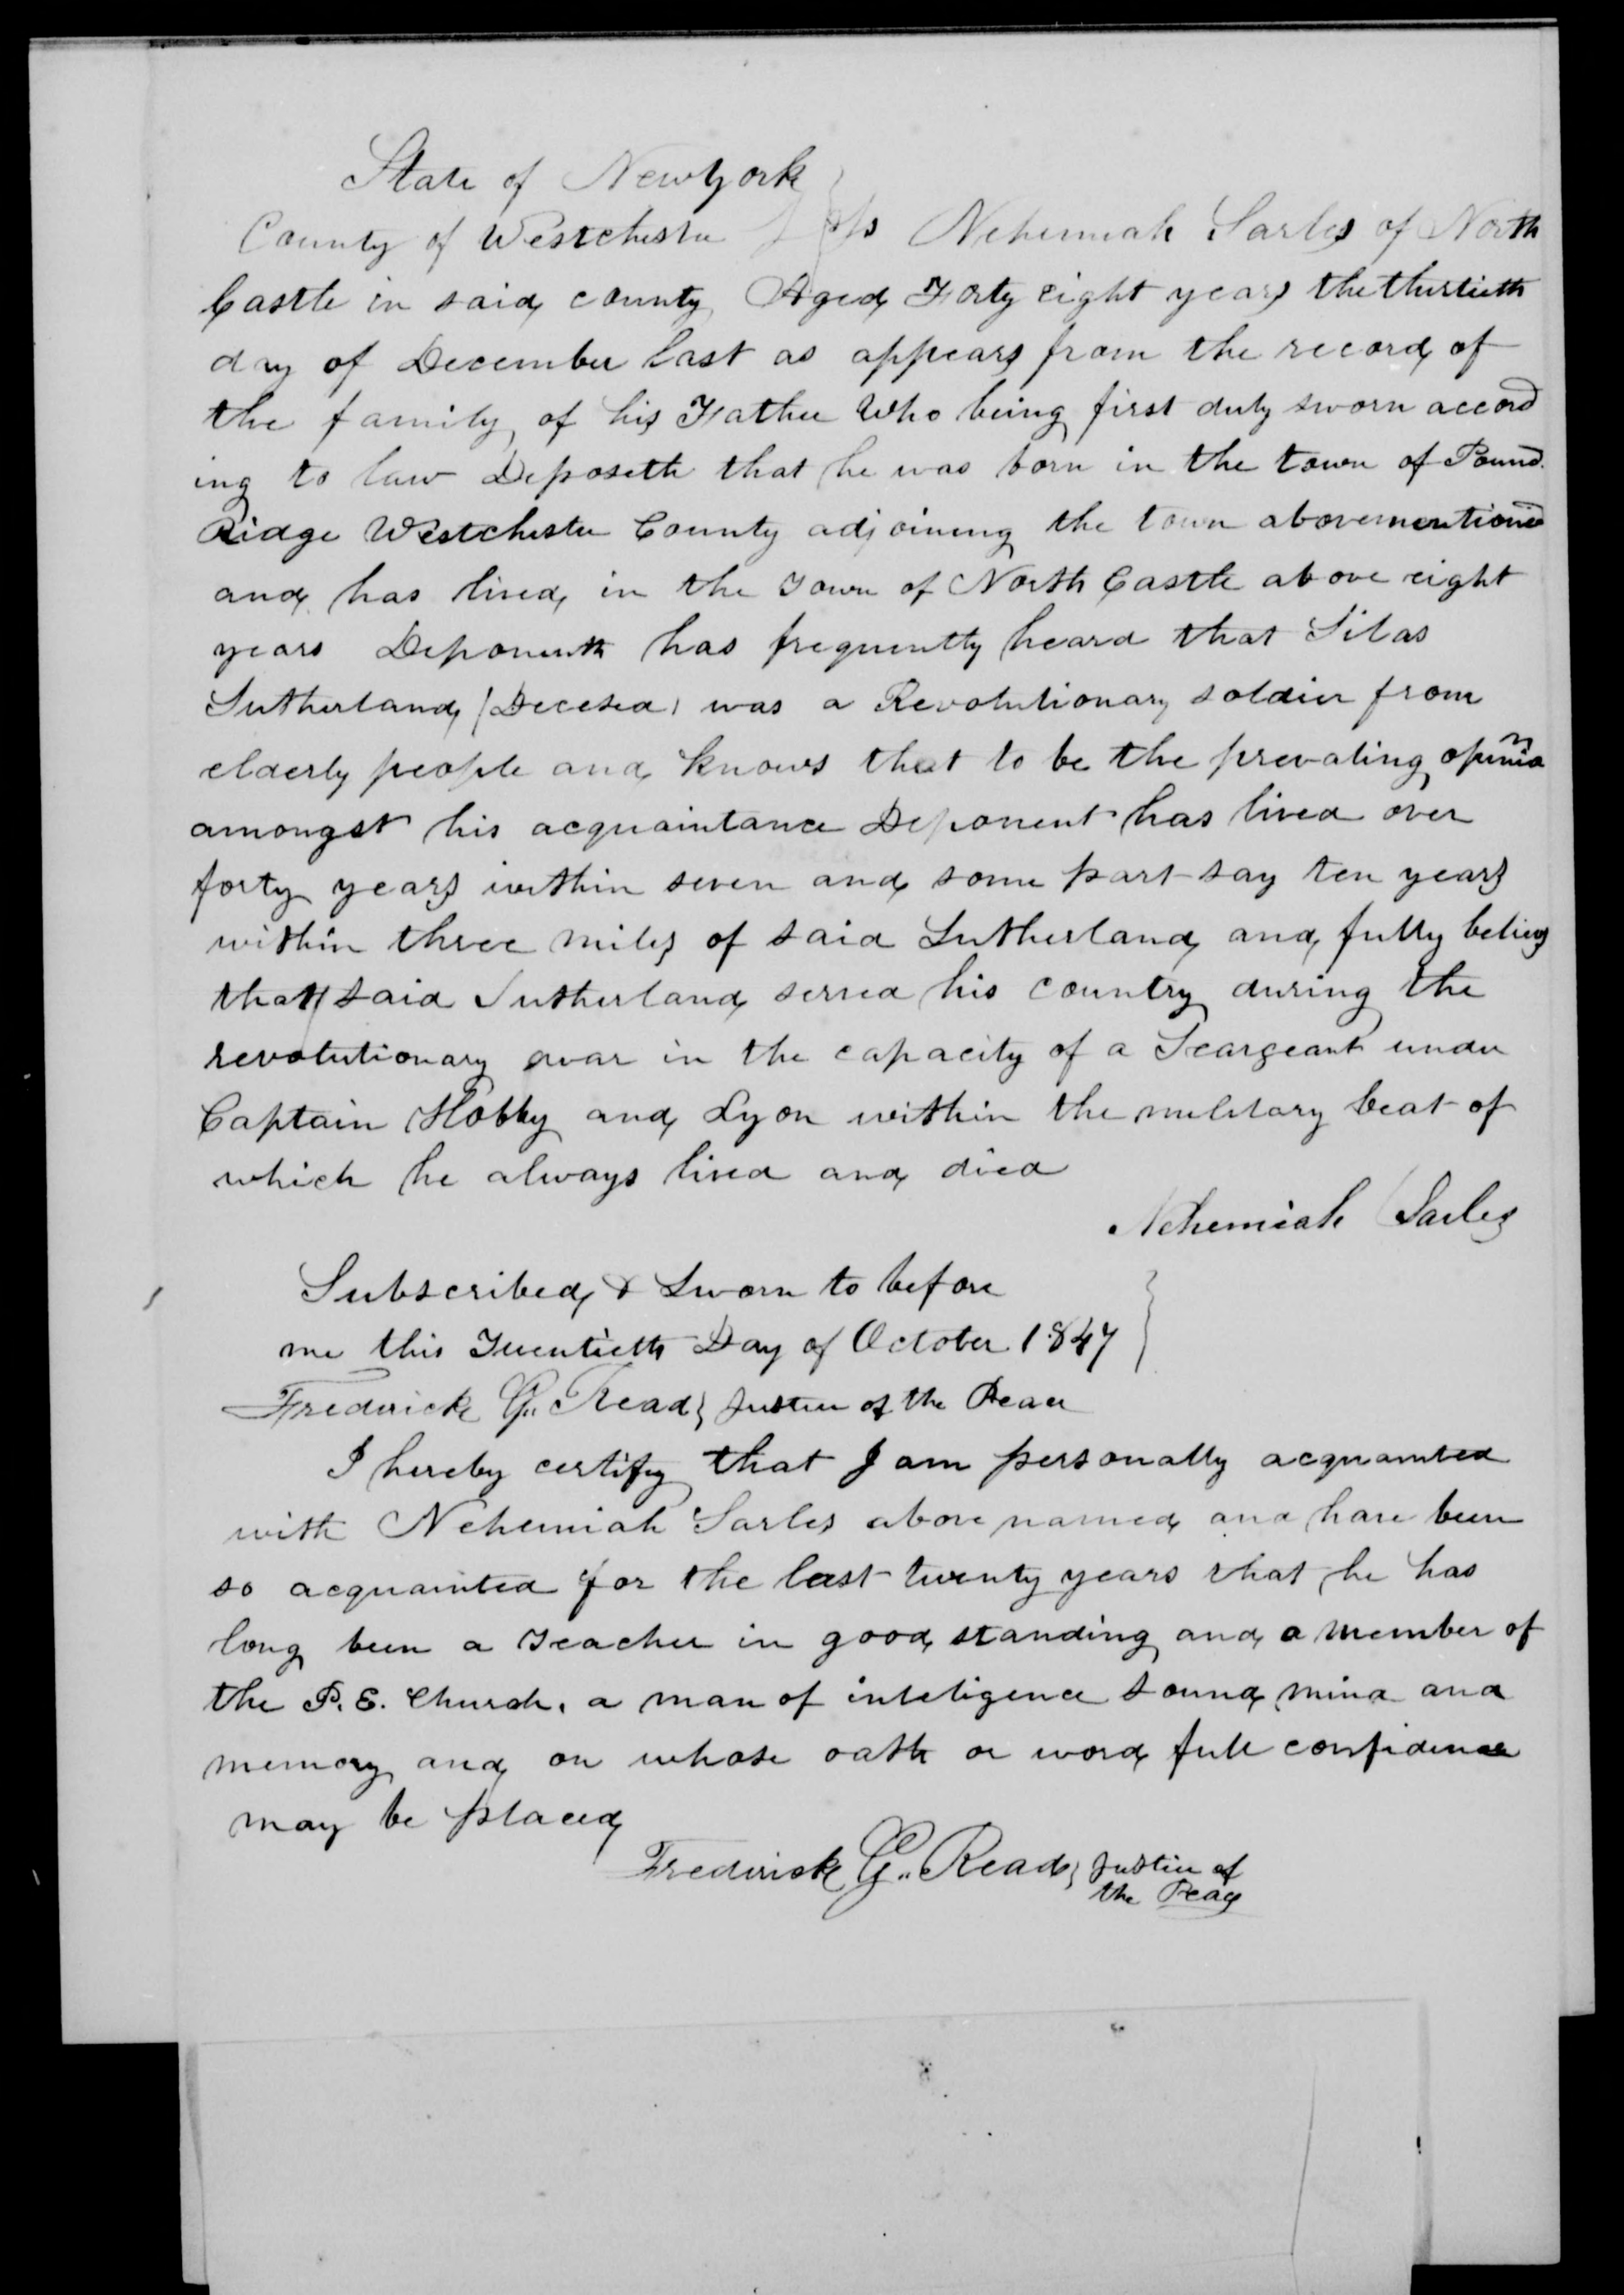State of New York, County of Westchester ss
Nehemiah Sarles of North Castle in said county, aged forty eight years the thirtieth day of December last as appears from the record of the family of his Father who being first duly sworn according to law deposeth that he was born in the town of Pound Ridge Westchester County adjoining the town above mentioned and has lived in the town of North Castle above eight years. Deponent has frequently heard that Silas Sutherland (deceased) was a Revolutionary soldier from elderly people and knows that to be the prevaling opinion amongst his acquaintance. Deponent has lived over forty years within seven and some part, say ten years within three miles of said Sutherland and fully believes that said Sutherland served his country during the revolutionary war in the capacity of a Seargeant under Captain Hobby and Lyon within the military beat of which he always lived and died. Nehemiah Sarles

Subscribed & sworn to before me this twentieth day of October 1847
Frederick G. Read, Justice of the Peace

I hereby certify that I am personally acquainted with Nehemiah Sarles above named and have been so acquainted for the last twenty years. That he has long been a teacher in good standing and a member of the P. E. Church, a man of inteligence sound mind and memory and on whose oath or word full confidence may be placed.
Frederick G. Read, Justice of the Peace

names: [BLANK] Sutherland; Frederick G Read; Nehemiah Sarles; [BLANK] Lyon; [BLANK] Hobby; Frederick G Read; Silas Sutherland; [BLANK] Sutherland; Nehemiah Sarles; Nehemiah Sarles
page: 50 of 77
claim: survivor's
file: S. 23003, for Silas Southerland, New York